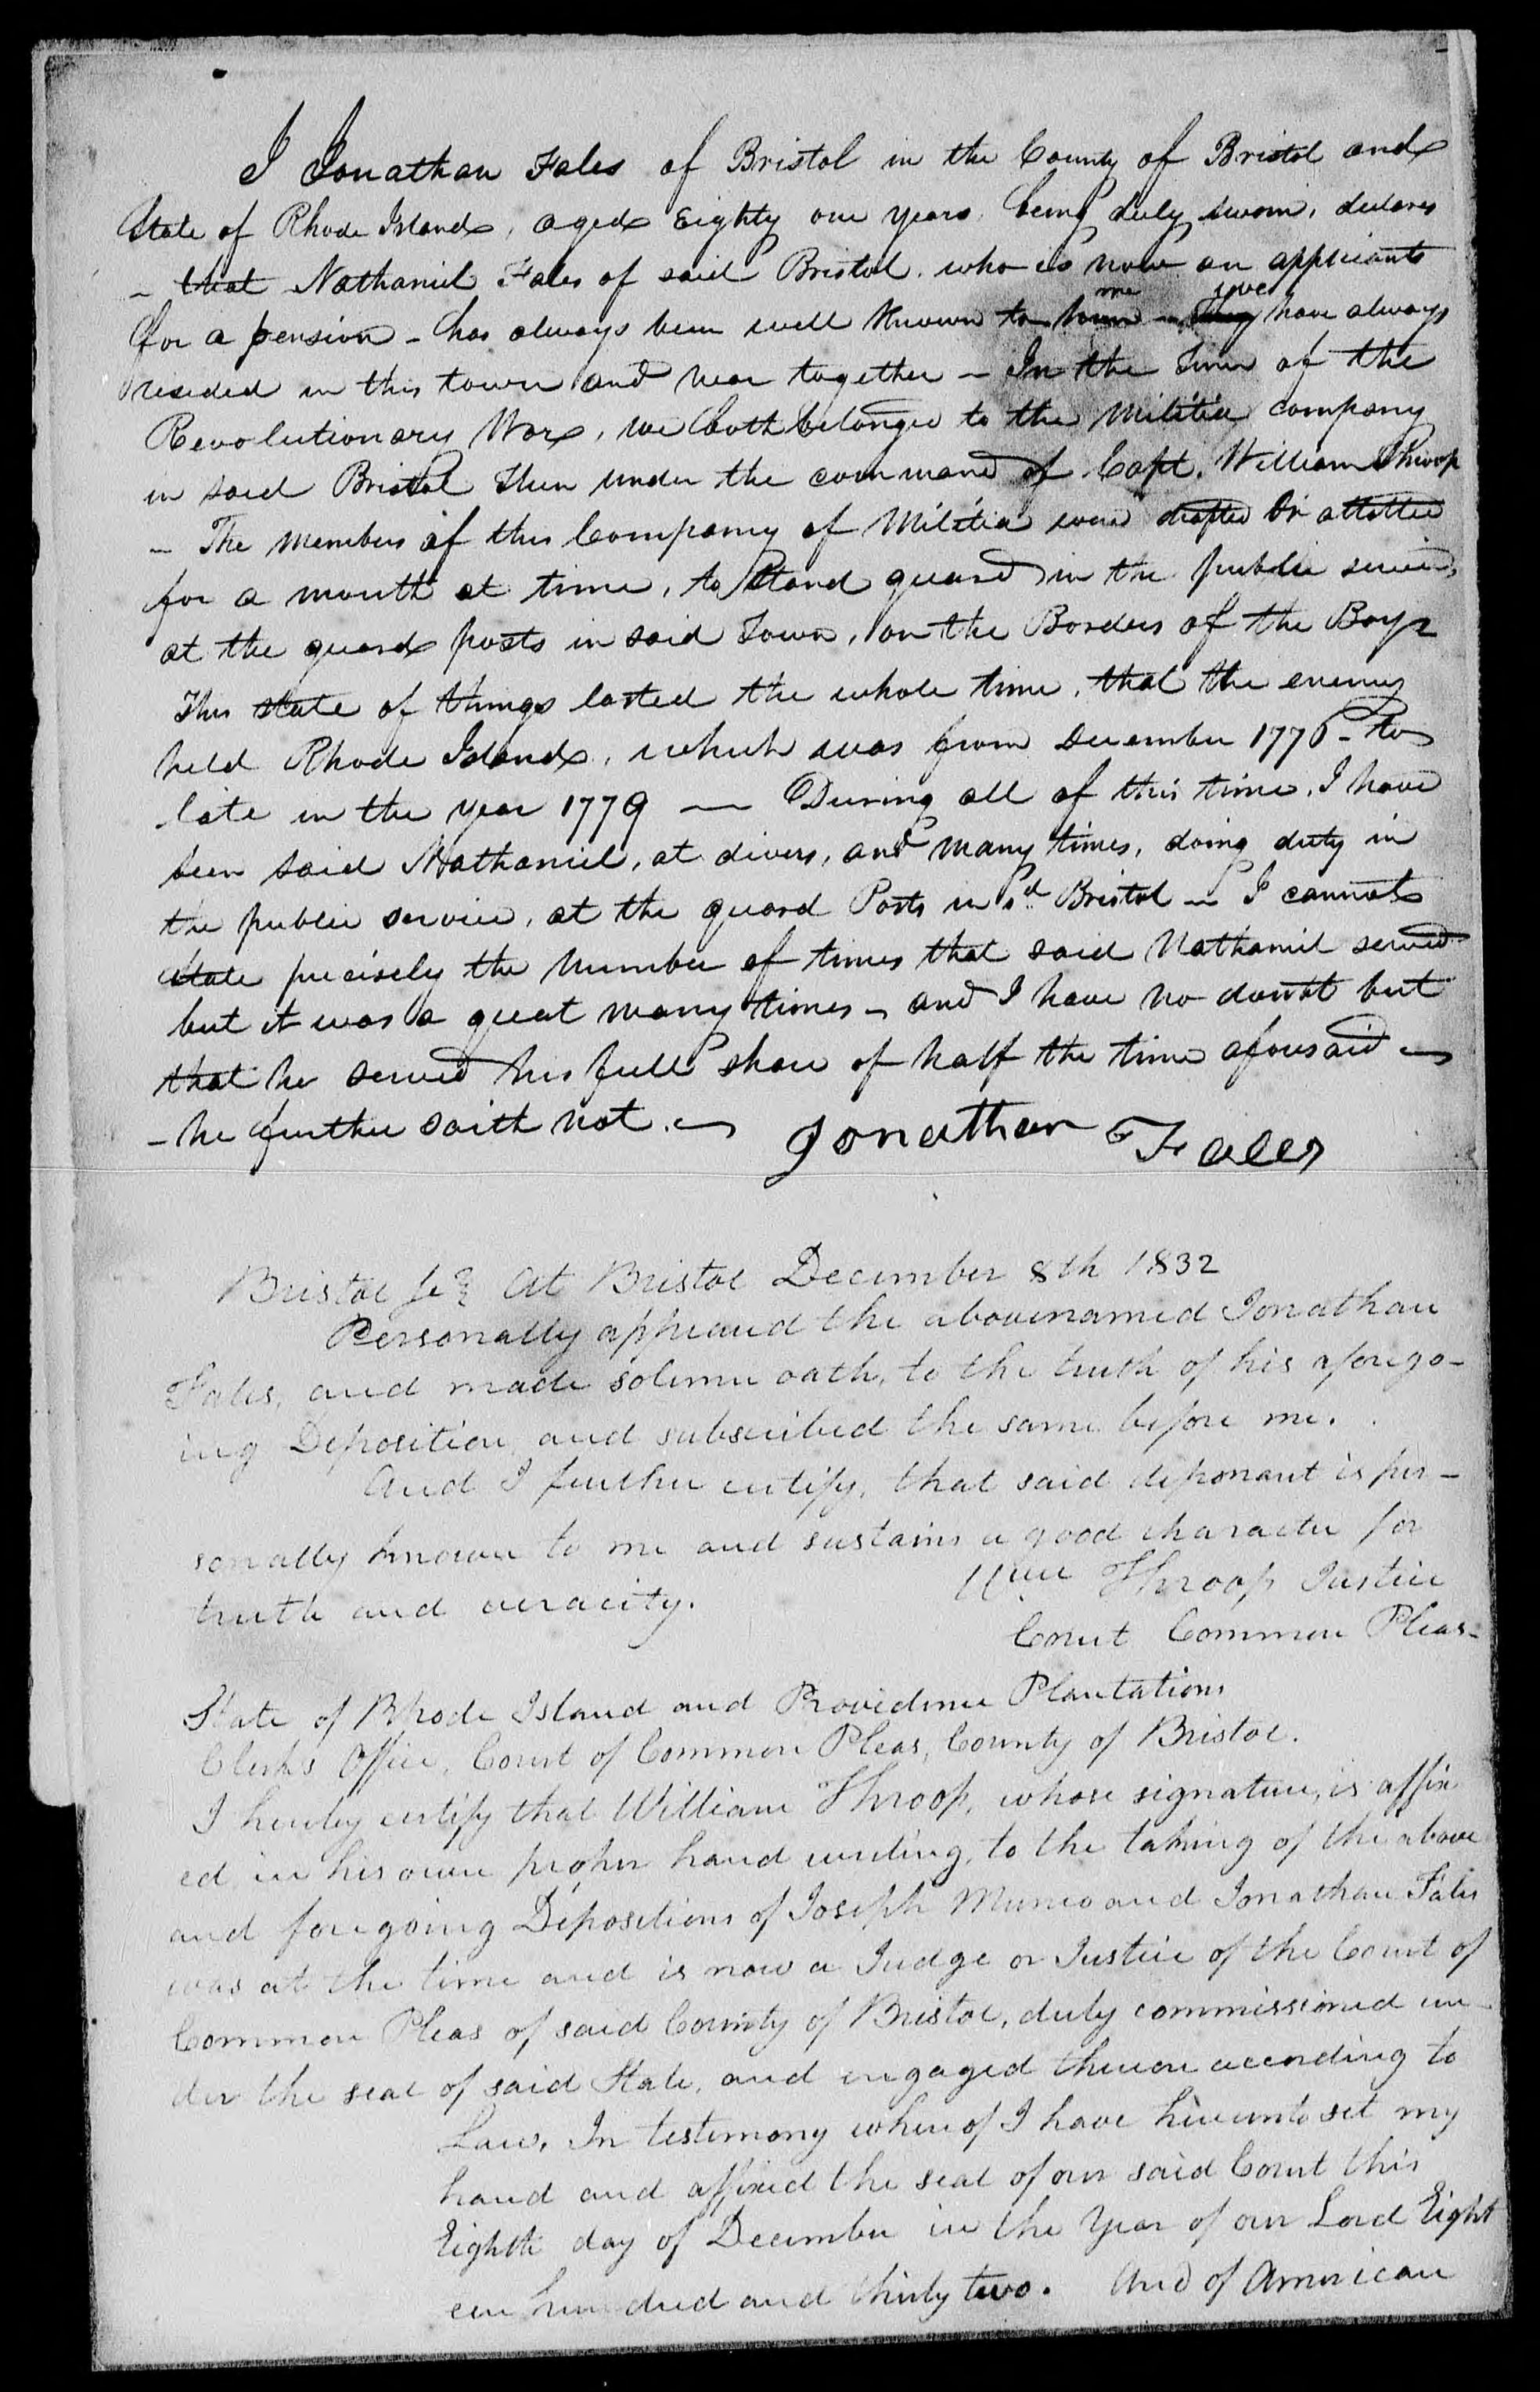I Jonathan Fales of Bristol in the County of Bristol and State of Rhode Island  aged eighty one years being duly sworn declares that Nathaniel Fales of said Bristol who is now an applicants for a pension has always been well known to me we have always resided in this town and near together - In the time of the revolutionary war we both belonged to the militia company in sadi Bristol then under the command of Capt. William Throop. The members of this company of militia was drafted oo attested for a month at time to stand gaurd in the public served at the guards posts in said town on the borders of the bays. This state of things lasted the whole time that the enemy held Rhode Island which was from December 1770 - to0 late in the year 1779. During all of this time I have seen said Nathaniel at divers and many times doing duty in the public service at the guard parts in s.d Bristol - I cannot state precisely the number of times that said Nathaniel served but it was a quest many times and I have no doubt but that he served his full show of half the time aforesaid - he further saith not. 
Jonathan Fales

Bristol 
At Bristol December 8th 1832
Personally appeared the above named Jonathan Fales and made solemn oath to the truth of his aforegoing Deposition and subscribed the same before me. And I further certify that said deponent is personally known to me and sustains a good character for truth and veracity. 
Wm. Throop Justice Court Common Pleas

State of Rhode Island and Providence Plantations
Clerks Office Court of Common Pleas County of Bristol
I hereby certify that William Throop whose signature is affixed in his own proper hand writing to the taking of the above and foregoing depositions of Joseph Munro and Jonathan Fales was at the time and is now a judge or justice of the court of common pleas of said county of Bristol duly commissioned under the seal of said state and engaged the war according to Law. In testimony whereof I have hereunto set my hand and affixed the seal of our said court this eighth day of December in the year of our Lord Eighteen hundred and thirty two. And of America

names: Nathaniel Fales, William Throop, Jonathan Fales, Wm Throop, Jonathan Fales, Nathaniel, Jonathan Fales, Nathaniel, Jonathan Fales, Joseph Munro, William Throop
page: 22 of 32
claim: widow's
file: W. 24,173, Nathaniel Fales, R.I.